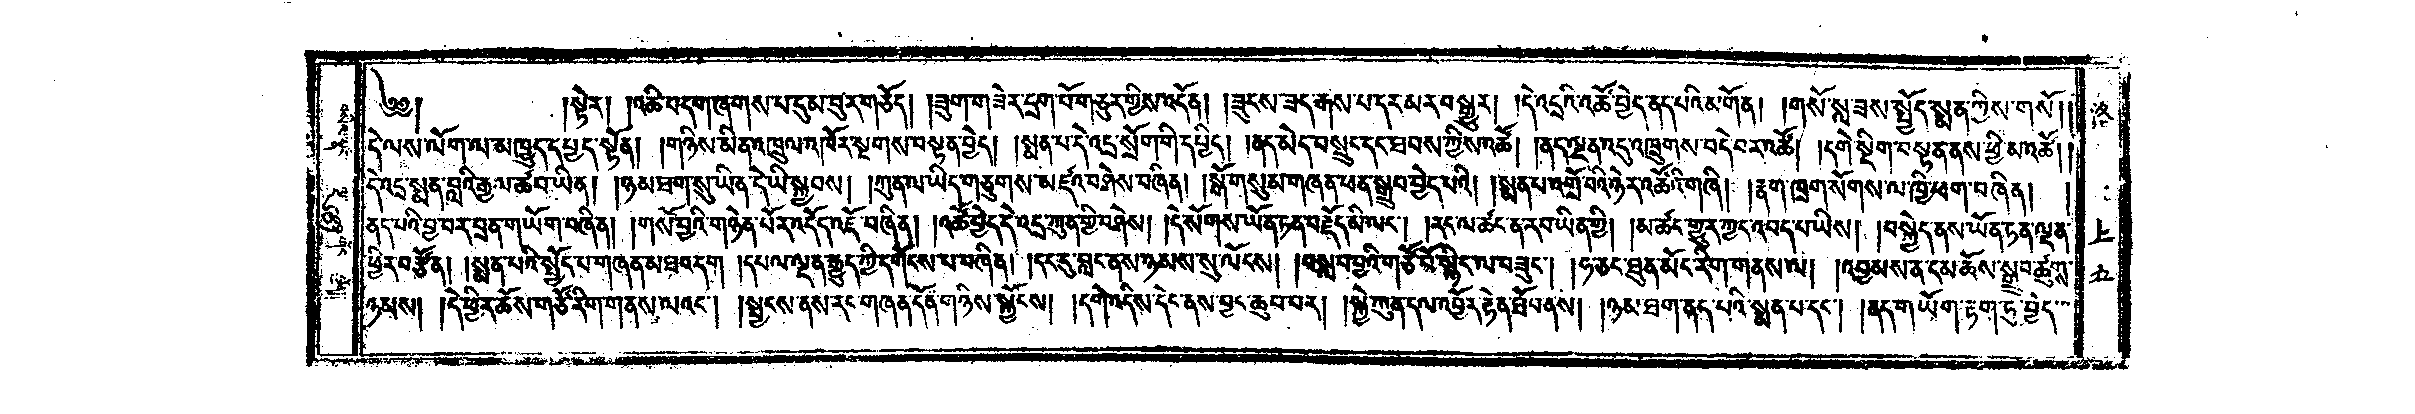༄༅། །སྟེར། །འཆི་བདག་ཞགས་པ་དུམ་བུར་གཅོད། །ཟུག་གཟེར་དྲག་པོ་གཅུར་གྱིས་འདོན། །ཟུངས་ཟད་རྒས་པ་དར་མར་བསྒྱུར། །དེ་འདྲའི་འཚོ་བྱེད་ནད་པའི་མགོན། །གསོ་སླ་ཟས་སྤྱོད་སྨན་གྱིས་གསོ། །
དེ་ལས་ལོག་ལ་མཁྱུད་དཔྱད་སྟོན། །གཉིས་མིན་འཁྲུལ་འཁོར་སྔགས་བསྟན་བྱེད། །སྨན་པ་དེ་འདྲ་སྲོག་གི་དཔྱིད། །ནད་མེད་བསྲུང་དང་ཐབས་ཀྱིས་འཚོ། །ནད་ལྡན་འདུ་འཁྲུགས་བདེ་བར་འཚོ། །དགེ་སྡིག་བསྟན་ནས་ཕྱི་མ་འཚོ། །
དེ་འདྲ་སྨན་བླའི་རྒྱལ་ཚབ་ཡིན། །ཉམ་ཐག་སུ་ཡིན་དེ་ཡི་སྐྱབས། །ཀུན་ལ་ཡིད་གཅུགས་མཛའ་བཤེས་བཞིན། །སྒོ་གསུམ་གཞན་ཕན་སྒྲུབ་བྱེད་པའི། །སྨན་པ་འགྲོ་བའི་ཉེར་འཚོའི་གཞི། །རྣག་ཁྲག་སོགས་ལ་ཁྱི་ཕག་བཞིན། །
ནད་པའི་བྱ་བར་བྲན་གཡོག་བཞིན། །གསོ་བྱའི་གཉེན་པོར་འདོད་འཇོ་བཞིན། །འཚོ་བྱེད་དེ་འདྲ་ཀུན་གྱི་བཤེས། །དེ་སོགས་ཡོན་ཏན་བརྗོད་མི་ལང་། །རང་ལ་ཚང་ན་རབ་ཡིན་གྱི། །མ་ཚང་གྱུར་ཀྱང་འབད་པ་ཡིས། །བསྐྱེད་ནས་ཡོན་ཏན་ལྡན་
ཕྱིར་བརྩོན། །སྨན་པའི་སྤྱོད་པ་གཞན་མཐའ་དག །དཔལ་ལྡན་རྒྱུད་ཀྱི་དགོངས་པ་བཞིན། །དང་དུ་བླང་ནས་ཉམས་སུ་ལོངས། །བསླབ་བྱའི་གཙོ་བོ་སྙིང་ལ་བཟུང་། །ཧ་ཅང་ཐུན་མོང་རིག་གནས་ལ། །འབྱམས་ན་དམ་ཆོས་སྒྲུབ་ཚུགས་
ཉམས། །དེ་ཕྱིར་ཆོས་གཙོ་རིག་གནས་ལའང་། །སྦྱངས་ནས་རང་གཞན་དོན་གཉིས་སྐྱོངས། །དགེ་འདིས་དེང་ནས་བྱང་ཆུབ་བར། །སྐྱེ་ཀུན་དལ་འབྱོར་རྟེན་ཐོབ་ནས། །ཉམ་ཐག་ནད་པའི་སྨན་པ་དང་། །ནད་གཡོག་རྟག་ཏུ་བྱེད་